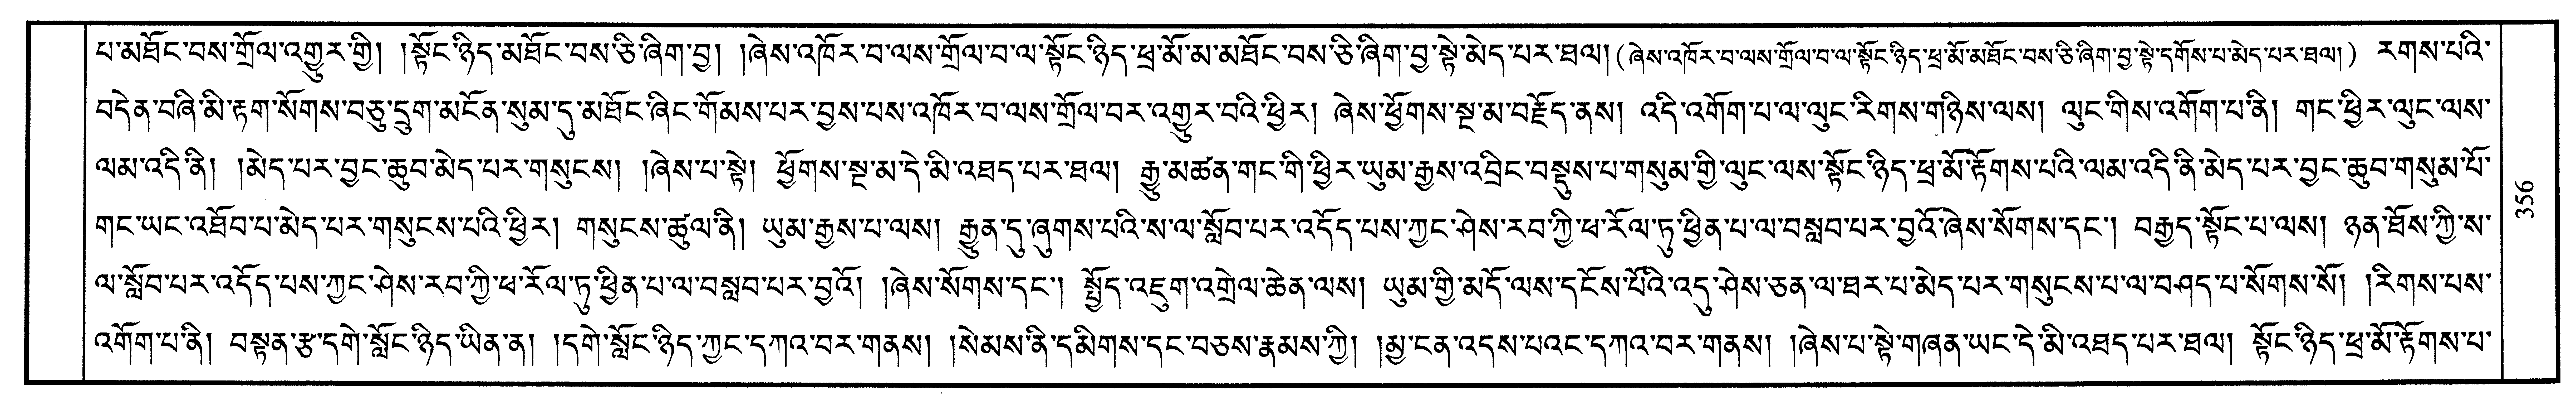པ་མཐོང་བས་གྲོལ་འགྱུར་གྱི། །སྟོང་ཉིད་མཐོང་བས་ཅི་ཞིག་བྱ། །ཞེས་འཁོར་བ་ལས་གྲོལ་བ་ལ་སྟོང་ཉིད་ཕྲ་མོ་མ་མཐོང་བས་ཅི་ཞིག་བྱ་སྟེ་མེད་པར་ཐལ། ཞེས་འཁོར་བ་ལས་གྲོལ་བ་ལ་སྟོང་ཉིད་ཕྲ་མོ་མཐོང་བས་ཅི་ཞིག་བྱ་སྟེ་དགོས་པ་མེད་པར་ཐལ།  རགས་པའི་
བདེན་བཞི་མི་རྟག་སོགས་བཅུ་དྲུག་མངོན་སུམ་དུ་མཐོང་ཞིང་གོམས་པར་བྱས་པས་འཁོར་བ་ལས་གྲོལ་བར་འགྱུར་བའི་ཕྱིར། ཞེས་ཕྱོགས་སྔ་མ་བརྗོད་ནས། འདི་འགོག་པ་ལ་ལུང་རིགས་གཉིས་ལས། ལུང་གིས་འགོག་པ་ནི། གང་ཕྱིར་ལུང་ལས་
ལམ་འདི་ནི། །མེད་པར་བྱང་ཆུབ་མེད་པར་གསུངས། །ཞེས་པ་སྟེ། ཕྱོགས་སྔ་མ་དེ་མི་འཐད་པར་ཐལ། རྒྱུ་མཚན་གང་གི་ཕྱིར་ཡུམ་རྒྱས་འབྲིང་བསྡུས་པ་གསུམ་གྱི་ལུང་ལས་སྟོང་ཉིད་ཕྲ་མོ་རྟོགས་པའི་ལམ་འདི་ནི་མེད་པར་བྱང་ཆུབ་གསུམ་པོ་
གང་ཡང་འཐོབ་པ་མེད་པར་གསུངས་པའི་ཕྱིར། གསུངས་ཚུལ་ནི། ཡུམ་རྒྱས་པ་ལས། རྒྱུན་དུ་ཞུགས་པའི་ས་ལ་སློབ་པར་འདོད་པས་ཀྱང་ཤེས་རབ་ཀྱི་ཕ་རོལ་ཏུ་ཕྱིན་པ་ལ་བསླབ་པར་བྱའོ་ཞེས་སོགས་དང་། བརྒྱད་སྟོང་པ་ལས། ཉན་ཐོས་ཀྱི་ས་
ལ་སློབ་པར་འདོད་པས་ཀྱང་ཤེས་རབ་ཀྱི་ཕ་རོལ་ཏུ་ཕྱིན་པ་ལ་བསླབ་པར་བྱའོ། །ཞེས་སོགས་དང་། སྤྱོད་འཇུག་འགྲེལ་ཆེན་ལས། ཡུམ་གྱི་མདོ་ལས་དངོས་པོའི་འདུ་ཤེས་ཅན་ལ་ཐར་པ་མེད་པར་གསུངས་པ་ལ་བཤད་པ་སོགས་སོ། །རིགས་པས་
འགོག་པ་ནི། བསྟན་རྩ་དགེ་སློང་ཉིད་ཡིན་ན། །དགེ་སློང་ཉིད་ཀྱང་དཀའ་བར་གནས། །སེམས་ནི་དམིགས་དང་བཅས་རྣམས་ཀྱི། །མྱ་ངན་འདས་པའང་དཀའ་བར་གནས། །ཞེས་པ་སྟེ་གཞན་ཡང་དེ་མི་འཐད་པར་ཐལ། སྟོང་ཉིད་ཕྲ་མོ་རྟོགས་པ་